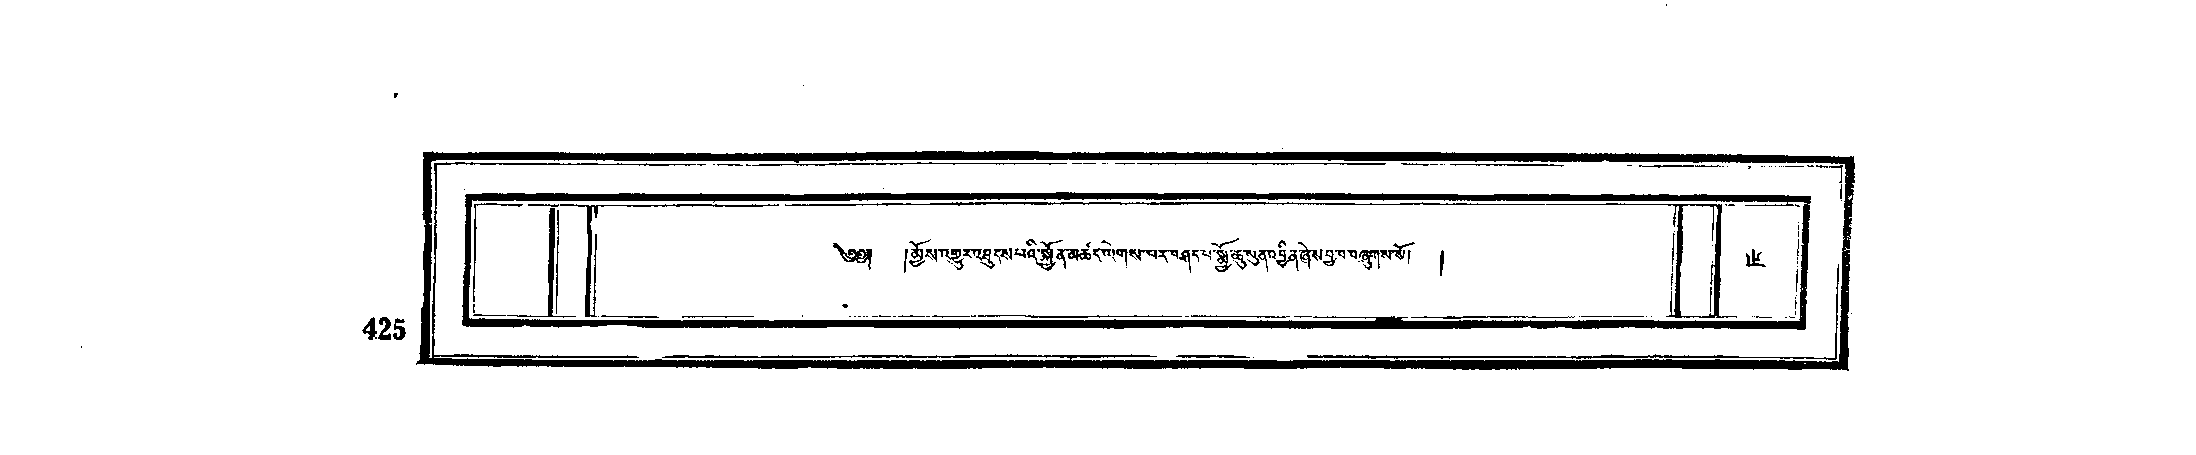༄༅། །མྱོས་འགྱུར་འཐུངས་པའི་སྐྱོན་མཚང་ལེགས་པར་བཤད་པ་སྨྱོ་ཆུ་སུན་འབྱིན་ཞེས་བྱ་བ་བཞུགས་སོ། །